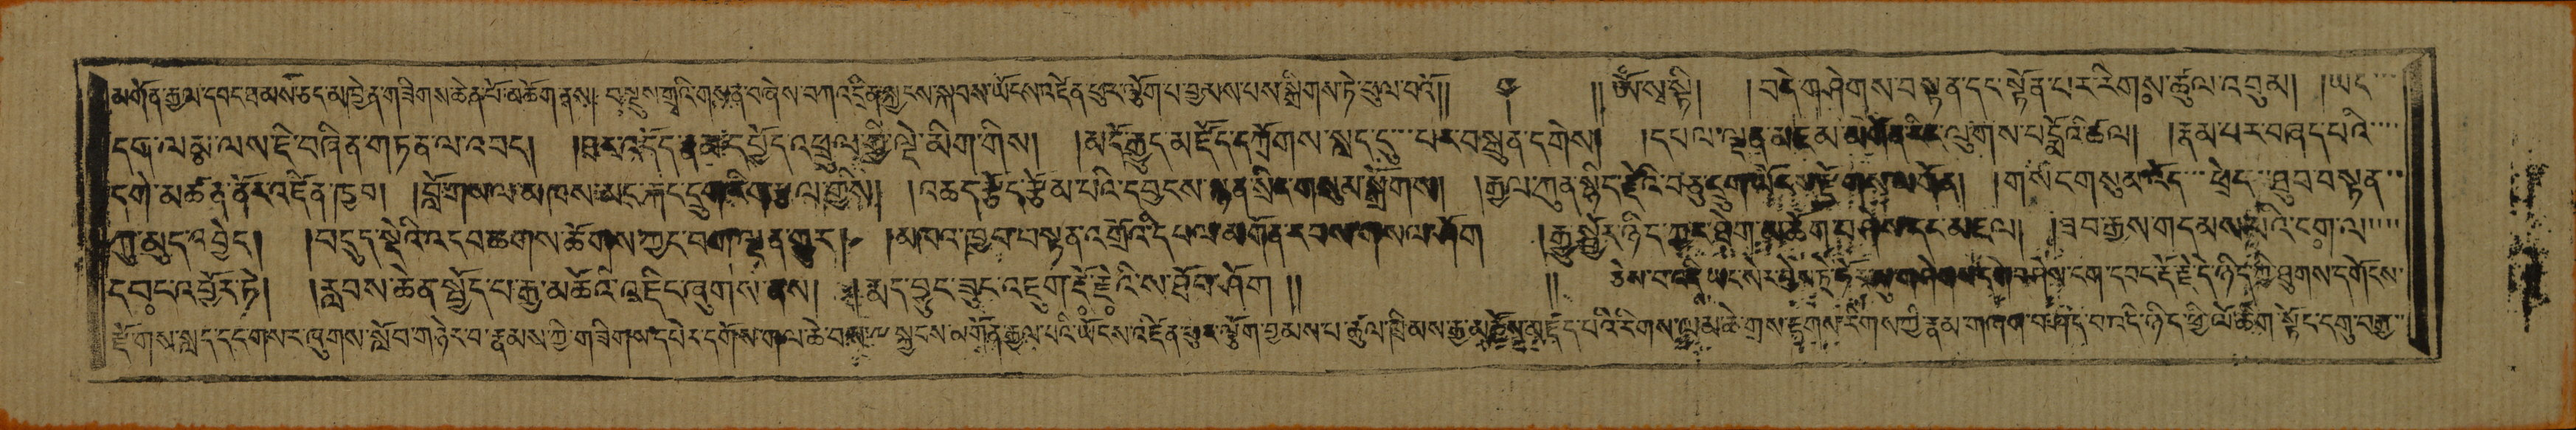མགོན་རྒྱལ་དབང་ཐམས་ཅད་མཁྱེན་གཟིགས་ཆེན་པོ་མཆོག་ནས། བསྡུས་གྲྭའི་གསན་བཞེས་བཀའ་དྲིན་སྐྱངས་སྐབས་ཡོངས་འཛིན་ཕུར་ལྕོག་པ་བྱམས་པས་སྒྲིགས་ཏེ་ཕུལ་བའོ།། ༈ །།ཨོཾ་སྭ་སྟི། །བདེ་གཤེགས་བསྟན་དང་སྟོན་པར་རིགས྾་ཚུལ་འབུམ། །ཡང་
དག་ལམ྾་ལས་ཇི་བཞིན་གཏན་ལ་འབད། །ཐར་འདོད་རྣམ་དཔྱོད་འཕྲུལ་གྱི་ལྡེ་མིག་གིས། །མདོ་རྒྱུད་མཛོད་དཀྲོགས་སླད་དུ་པར་བསྐྲུན་དགེས། །དཔལ་ལྡན་འཇམ་མགོན་རིང་ལུགས་པདམོའི་ཚལ། །རྣམ་པར་བཞད་པའི་
དགེ་མཚན་ནོར་འཛིན་ཁྱབ། །བློ་གསལ་མཁས་མང་རྐང་དྲུག་རིག་རྩལ་གྱིས། །འཆད་རྩོད་རྩོམ་པའི་དབྱངས་སྙན་སྲིད་གསུམ་སྒྲོགས། །རྒྱལ་ཀུན་སྙིང་རྗེའི་བཅུ་དྲུག་ཡོངས་རྫོགས་མགོན། །གསང་གསུམ་འོད་ཕྲེང་ཐུབ་བསྟན་
ཀུ་མུད་འབྱེད། །བདུད་སྡེའི་འདབ་ཆགས་ཚོགས་ཀྱང་བག་ལྡན་གྱུར། །མཁའ་ཁྱབ་བསྟན་འགྲོའི་དཔལ་མགོན་རབས་གསལ་ཤོག །རྒྱུ་སྦྱོར་ཉིད་ཀྱང་ཐེག་མཆོག་བཤེས་དང་མཇལ། །ཟབ་རྒྱས་གདམས་པའི་ངག྾་ལ་
དབང྾་འབྱོར་ཏེ། །རླབས་ཆེན་སྤྱོད་པ་རྒྱ་མཚོའི་འཇིང་ཞུགས་ནས། །རྨད་བྱུང་ཟུང་འཇུག་རྡོ྾་རྗེའི྾་ས་ཐོབ་ཤོག །། །། ཅེས་པ་འདི་ཡང་སེར་བྱེས་ཏྲེ་ཧོར་སྐུ་གཤེགས་དགེ་བཤེས་ངག་དབང་རྡོ་རྗེ་དེ་ཉིད་ཀྱི་ཐུགས་དགོངས་
རྫོགས་སླད་དང་གསར་ཞུགས་སློབ་གཉེར་བ་རྣམས་ཀྱི་གཟིགས་དཔེར་དགོས་གལ་ཆེ་བས ༧སྐྱབས་?་མགོན་རྒྱལ་པའི་ཡོངས་འཛིན་ཕུར་ལྕོག་བྱམས་པ་ཚུལ་ཁྲིམས་རྒྱ་མཚོས་མཛད་པའི་རིགས་ལམ་ཆེ་གྲས་རྟགས་རིགས་ཀྱི་རྣམ་གཞག་བཤད་པ་འདི་ཉིད་ཕྱི་ལོ་ཆིག་སྟོང་དགུ་བརྒྱ་